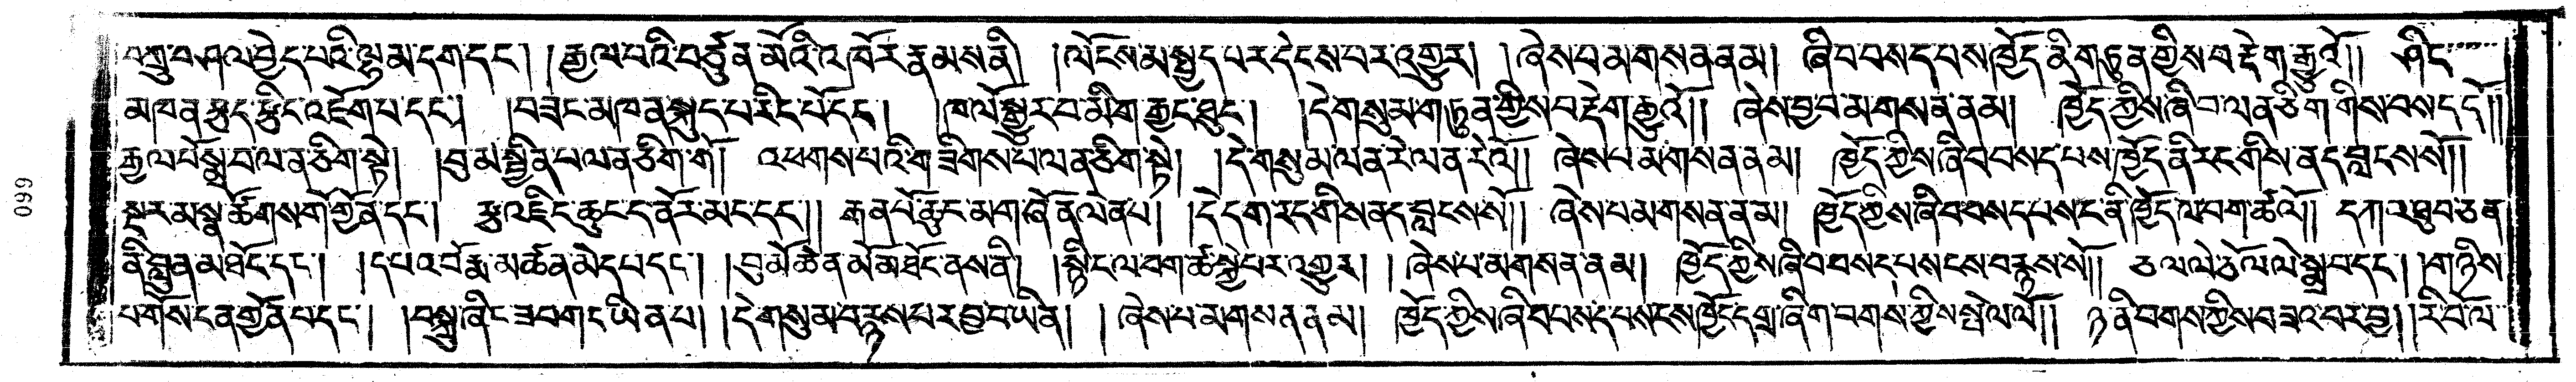བཀྲུ་བཤལ་བྱེད་པའི་ལྷམ་དག་དང་། །རྒྱལ་བའི་བཙུན་མོའི་འཁོར་རྣམས་ནི། །ལོངས་མ་སྤྱད་པར་དེངས་པར་འགྱུར། །ཞེས་བ་མ་གསན་ནམ། ཞི་བ་བསད་པས་ཁྱོད་ནི་གཏུན་གྱིས་བརྡེག་རྒྱུའོ།། ཤིང་
མཁན་རྩད་རྩིང་འཇོག་པ་དང་། །བཟང་མཁན་སྐུང་པ་རིང་པོ་དང་། །ཁ་ལོ་སྒྱུར་བ་མིག་རྒྱང་ཐུང་། །དེ་གསུམ་གཏུན་གྱིས་བརྡེག་རྒྱུའོ།། ཞེས་བྱ་བ་མ་གསན་ནམ། ཁྱོད་ཀྱིས་ཞི་བ་ལན་ཅིག་གིས་བསད་དོ།།
རྒྱལ་པོ་སྨྲ་བ་ལ་ན་ཅིག་སྟེ། །བུ་མ་སྦྱིན་པ་ལ་ན་ཅིག་གོ། འཕགས་པའི་གཟིགས་པ་ལན་ཅིག་སྟེ། །དེ་གསུམ་ལན་རེ་ལན་རེའོ། །ཞེས་པ་མ་གསན་ནམ། ཁྱོད་ཀྱིས་ཞིབ་བསད་པས་ཁྱོད་ནི་རང་གིས་ནད་བླངས་སོ།།
སྔར་མ་སྣ་ཚོགས་གོ་གྱོན་དང་། རྩ་འཇིང་ཆུང་ད་ནོར་མང་དང།། རྒན་པོ་ཆུང་མག་ཞོན་ལེན་པ། །དེ་དག་རང་གིས་ནད་བླངས་སོ།། ཞེས་བ་མ་གསན་ནམ། ཁྱོད་ཀྱིས་ཞིབ་བསད་པས་ང་ནི་ཁྱོད་ལ་བག་ཚའོ།། དཀའ་ཐུབ་ཅན་
ནི་བླུན་མཐོང་དང་། །དཔའ་བོ་རྨ་མཚན་མེད་པ་དང་། །བུ་མོ་ཆེན་མོ་མཐོང་ནས་ནི། །སྙིང་ལ་བག་ཚ་སྐྱེ་བར་འགྱུར། །ཞེས་པ་མ་གསན་ནམ། ཁྱོད་ཀྱིས་ཞིབ་བསད་པ་སངས་བརྙས་སོ།། ཅལ་ལེ་ཅོལ་ལེ་སྨྲ་བ་དང་། །གཉིས་
པ་གོས་ངན་གྱོན་པ་དང་། །བསྐྲུ་ཞིང་ཟབ་གང་ཡིན་པ། །དེ་གསུམ་བརྙས་པར་བྱ་བ་ཡིན། །ཞེས་པ་མ་གསན་ནམ། ཁྱོད་ཀྱིས་ཞིབ་བསད་པས་ངས་ཁྱོད་དགྲ་ཞིག་བགས་ཀྱིས་སྤེལ་ལོ།། ཉ་ནི་བགས་ཀྱིས་བཟའ་བར་བྱ། །རི་བོ་ལ་